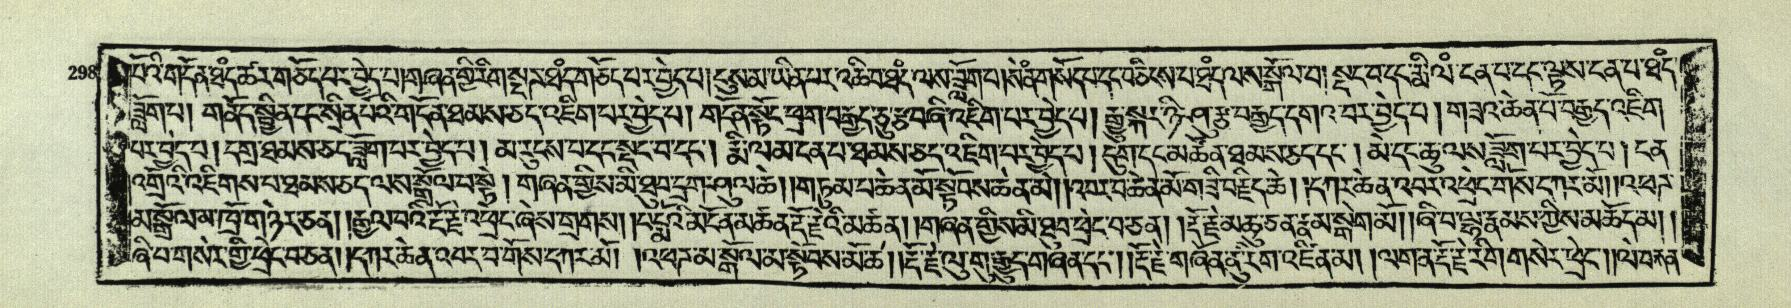པོའི་གདོན་ཐཾད་ཚར་གཅོད་པར་བྱེད་པ། གཞན་གྱི་རིག་སྔཌ་ཐཾད་གཅོད་པར་བྱེད་པ། དུས་མ་ཡིན་པར་འཆི་བ་ཐཾད་ལས་ཟློག་པ་།སེཾན་གསོད་པ་དང་བཅིངས་པ་ཐཾད་ལས་སྒོལ་བ། སྡང་བ་དང་རྨི་ལཾ་ངན་པ་དང་ལྟས་ངན་པ་ཐཾད་
ཟློག་པ། གནོད་སྦྱིན་དང་སྲིན་པོའི་གདོན་ཐམས་ཅད་འཇིག་པར་བྱེད་པ། གདོན་སྟོང་ཕྲག་བརྒྱད་ཅུ་རྩ་བཞི་འཇིག་པར་བྱེད་པ། རྒྱུ་སྐར་ཉི་ཤུ་རྩ་བརྒྱད་དགའ་བར་བྱེད་པ། གཟའ་ཆེན་པོ་བརྒྱད་འཇིག་
པར་བྱེད་པ། དགྲ་ཐམས་ཅད་ཟློག་པར་བྱེད་པ། མ་རུངས་པ་དང་སྡང་བ་དང་། རྨི་ལམ་ངན་པ་ཐམས་ཅད་འཇིག་པར་བྱེད་པ། དུག་དང་མཚོན་ཐམས་ཅད་དང་། མེ་དང་ཆུ་ལས་ཟློག་པར་བྱེད་པ། ངན་
འགྲོའི་འཇིགས་པ་ཐམས་ཅད་ལས་སྒྲོལ་བ་སྟེ་། གཞན་གྱིས་མི་ཐུབ་དྲག་ཤུལ་ཆེ། །གཏུམ་པ་ཆེན་མོ་སྟོབས་ཆེན་མེ། །འབར་བ་ཆེན་མོ་གཟི་བརྗིད་ཆེ། །དཀར་ཆེན་འབར་འཕྲེང་གོས་དཀར་མོ། །འཕཌ་
མ་སྒྲོལ་མ་ཁྲོ་གཉེར་ཅན། །རྒྱལ་བའི་རྡོ་རྗེ་འཕྲེང་ཞེས་གྲགས། །པདམོའི་མངོན་མཚན་རྡོ་རྗེའི་མཚན། །གཞན་གྱིས་མི་ཐུབ་ཕྲེང་བ་ཅན། །རྡོ་རྗེ་མཆུ་ཅན་རྣམ་སྒེག་མོ། །ཞི་བ་ལྷ་རྣམས་ཀྱིས་མཆོད་མ། །
ཞི་པ་གསེར་གྱི་ཕྲེང་བ་ཅན། །དཀར་ཆེན་འབར་བ་གོས་དཀར་མོ། །འཕཌ་མ་སྒོལ་མ་སྟོབས་མོ་ཆེ། །རྡོ་རྗེ་ལུ་གུ་རྒྱུད་གཞན་དང་། །རྡོ་རྗེ་གཞོན་ནུ་རིག་འཛིན་མ། །ལག་ན་རྡོ་རྗེ་རིག་གསེར་ཕྲེང་། །ལེ་བརྐན་